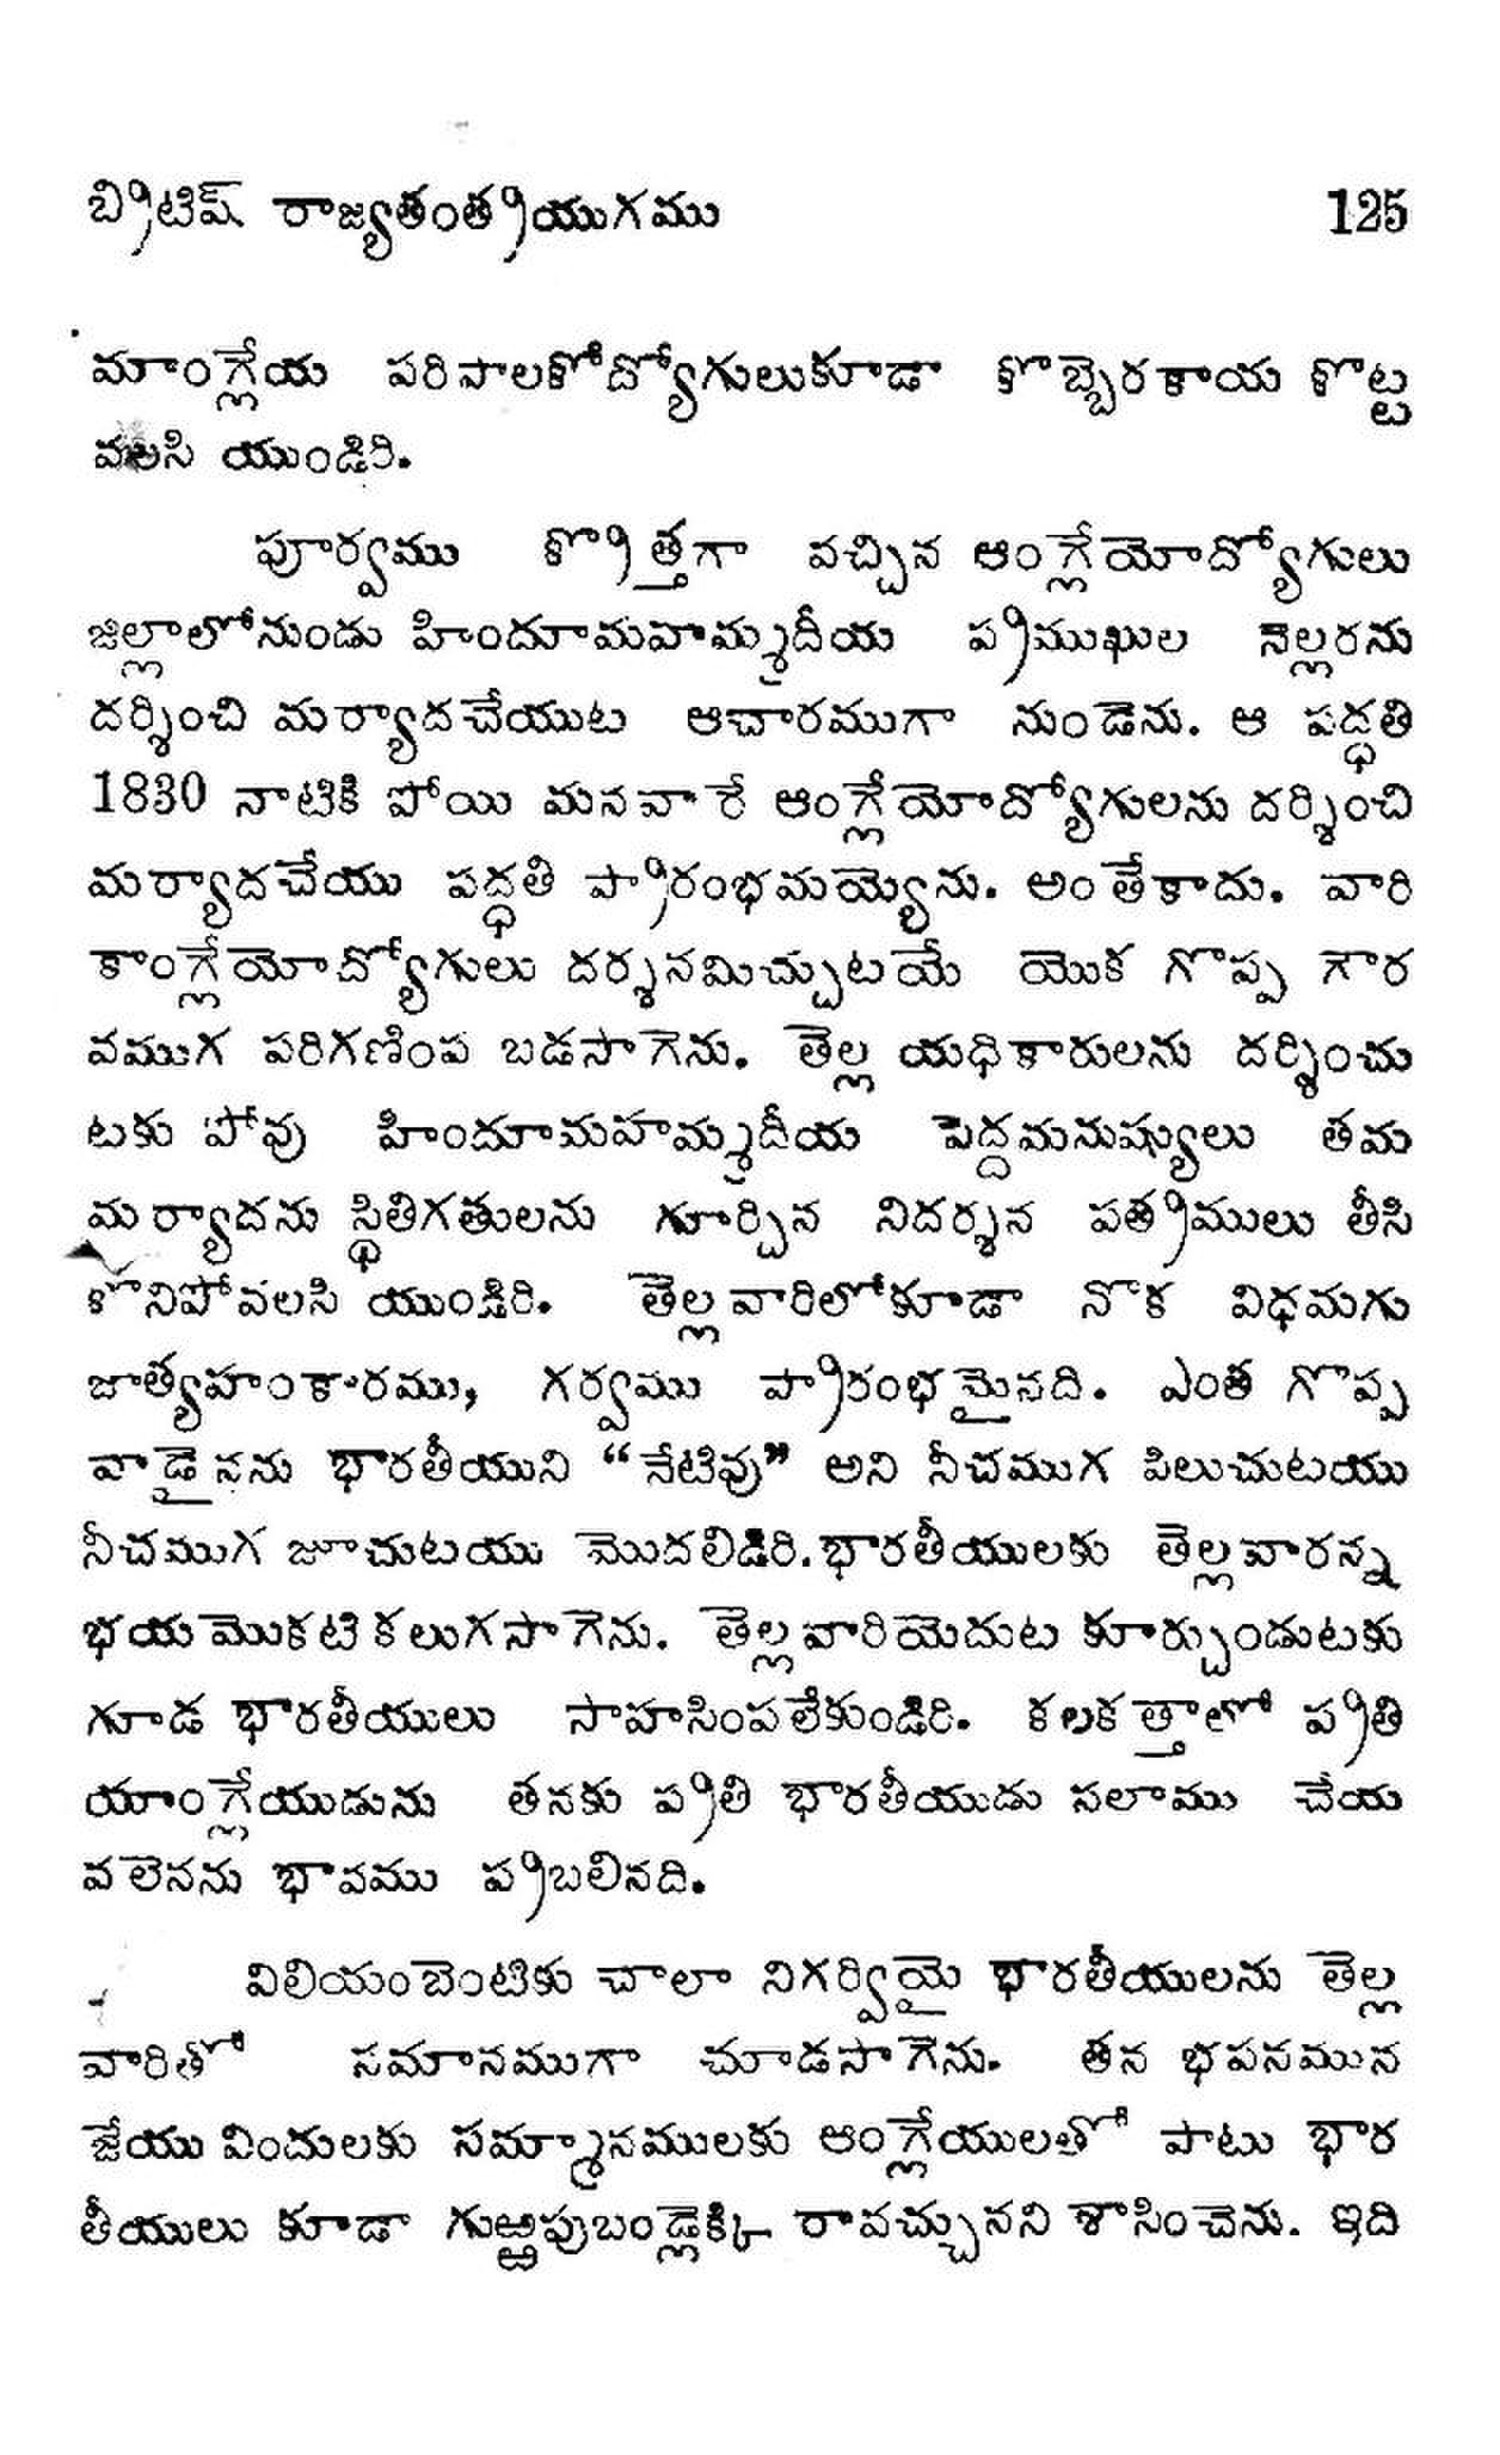మాంగ్లేయ పరిపాలకోద్యోగులుకూడా కొబ్బెరకాయ కొట్టవలసి యుండిరి.

పూర్వము క్రొత్తగా వచ్చిన ఆంగ్లేయోద్యోగులు జిల్లాలోనుండు హిందూమహమ్మదీయ ప్రముఖుల నెల్లరను దర్శించి మర్యాదచేయుట ఆచారముగా నుండెను. ఆ పద్ధతి 1830 నాటికి పోయి మనవారే ఆంగ్లేయోద్యోగులను దర్శించి మర్యాదచేయు పద్ధతి ప్రారంభమయ్యెను. అంతేకాదు. వారి కాంగ్లేయోద్యోగులు దర్శనమిచ్చుటయే యొక గొప్ప గౌరవముగ పరిగణింప బడసాగెను. తెల్ల యధికారులను దర్శించుటకు పోవు హిందూమహమ్మదీయ పెద్దమనుష్యులు తమ మర్యాదను స్థితిగతులను గూర్చిన నిదర్శన పత్రములు తీసికొనిపోవలసి యుండిరి. తెల్లవారిలోకూడా నొక విధమగు జాత్యహంకారము, గర్వము ప్రారంభమైనది. ఎంత గొప్పవాడైనను భారతీయుని "నేటివు” అని నీచముగ పిలుచుటయు నీచముగ జూచుటయు మొదలిడిరి. భారతీయులకు తెల్లవారన్న భయమొకటికలుగసాగెను. తెల్లవారియెదుట కూర్చుండుటకు గూడ భారతీయులు సాహసింపలేకుండిరి. కలకత్తాలో ప్రతి యాంగ్లేయుడును తనకు ప్రతి భారతీయుడు సలాము చేయవలెనను భావము ప్రబలినది.

విలియంబెంటికు చాలా నిగర్వియై భారతీయులను తెల్లవారితో సమానముగా చూడసాగెను. తన భవనమున జేయు విందులకు సమ్మానములకు ఆంగ్లేయులతో పాటు భారతీయులు కూడా గుఱ్ఱపుబండ్లెక్కి రావచ్చునని శాసించెను. ఇది